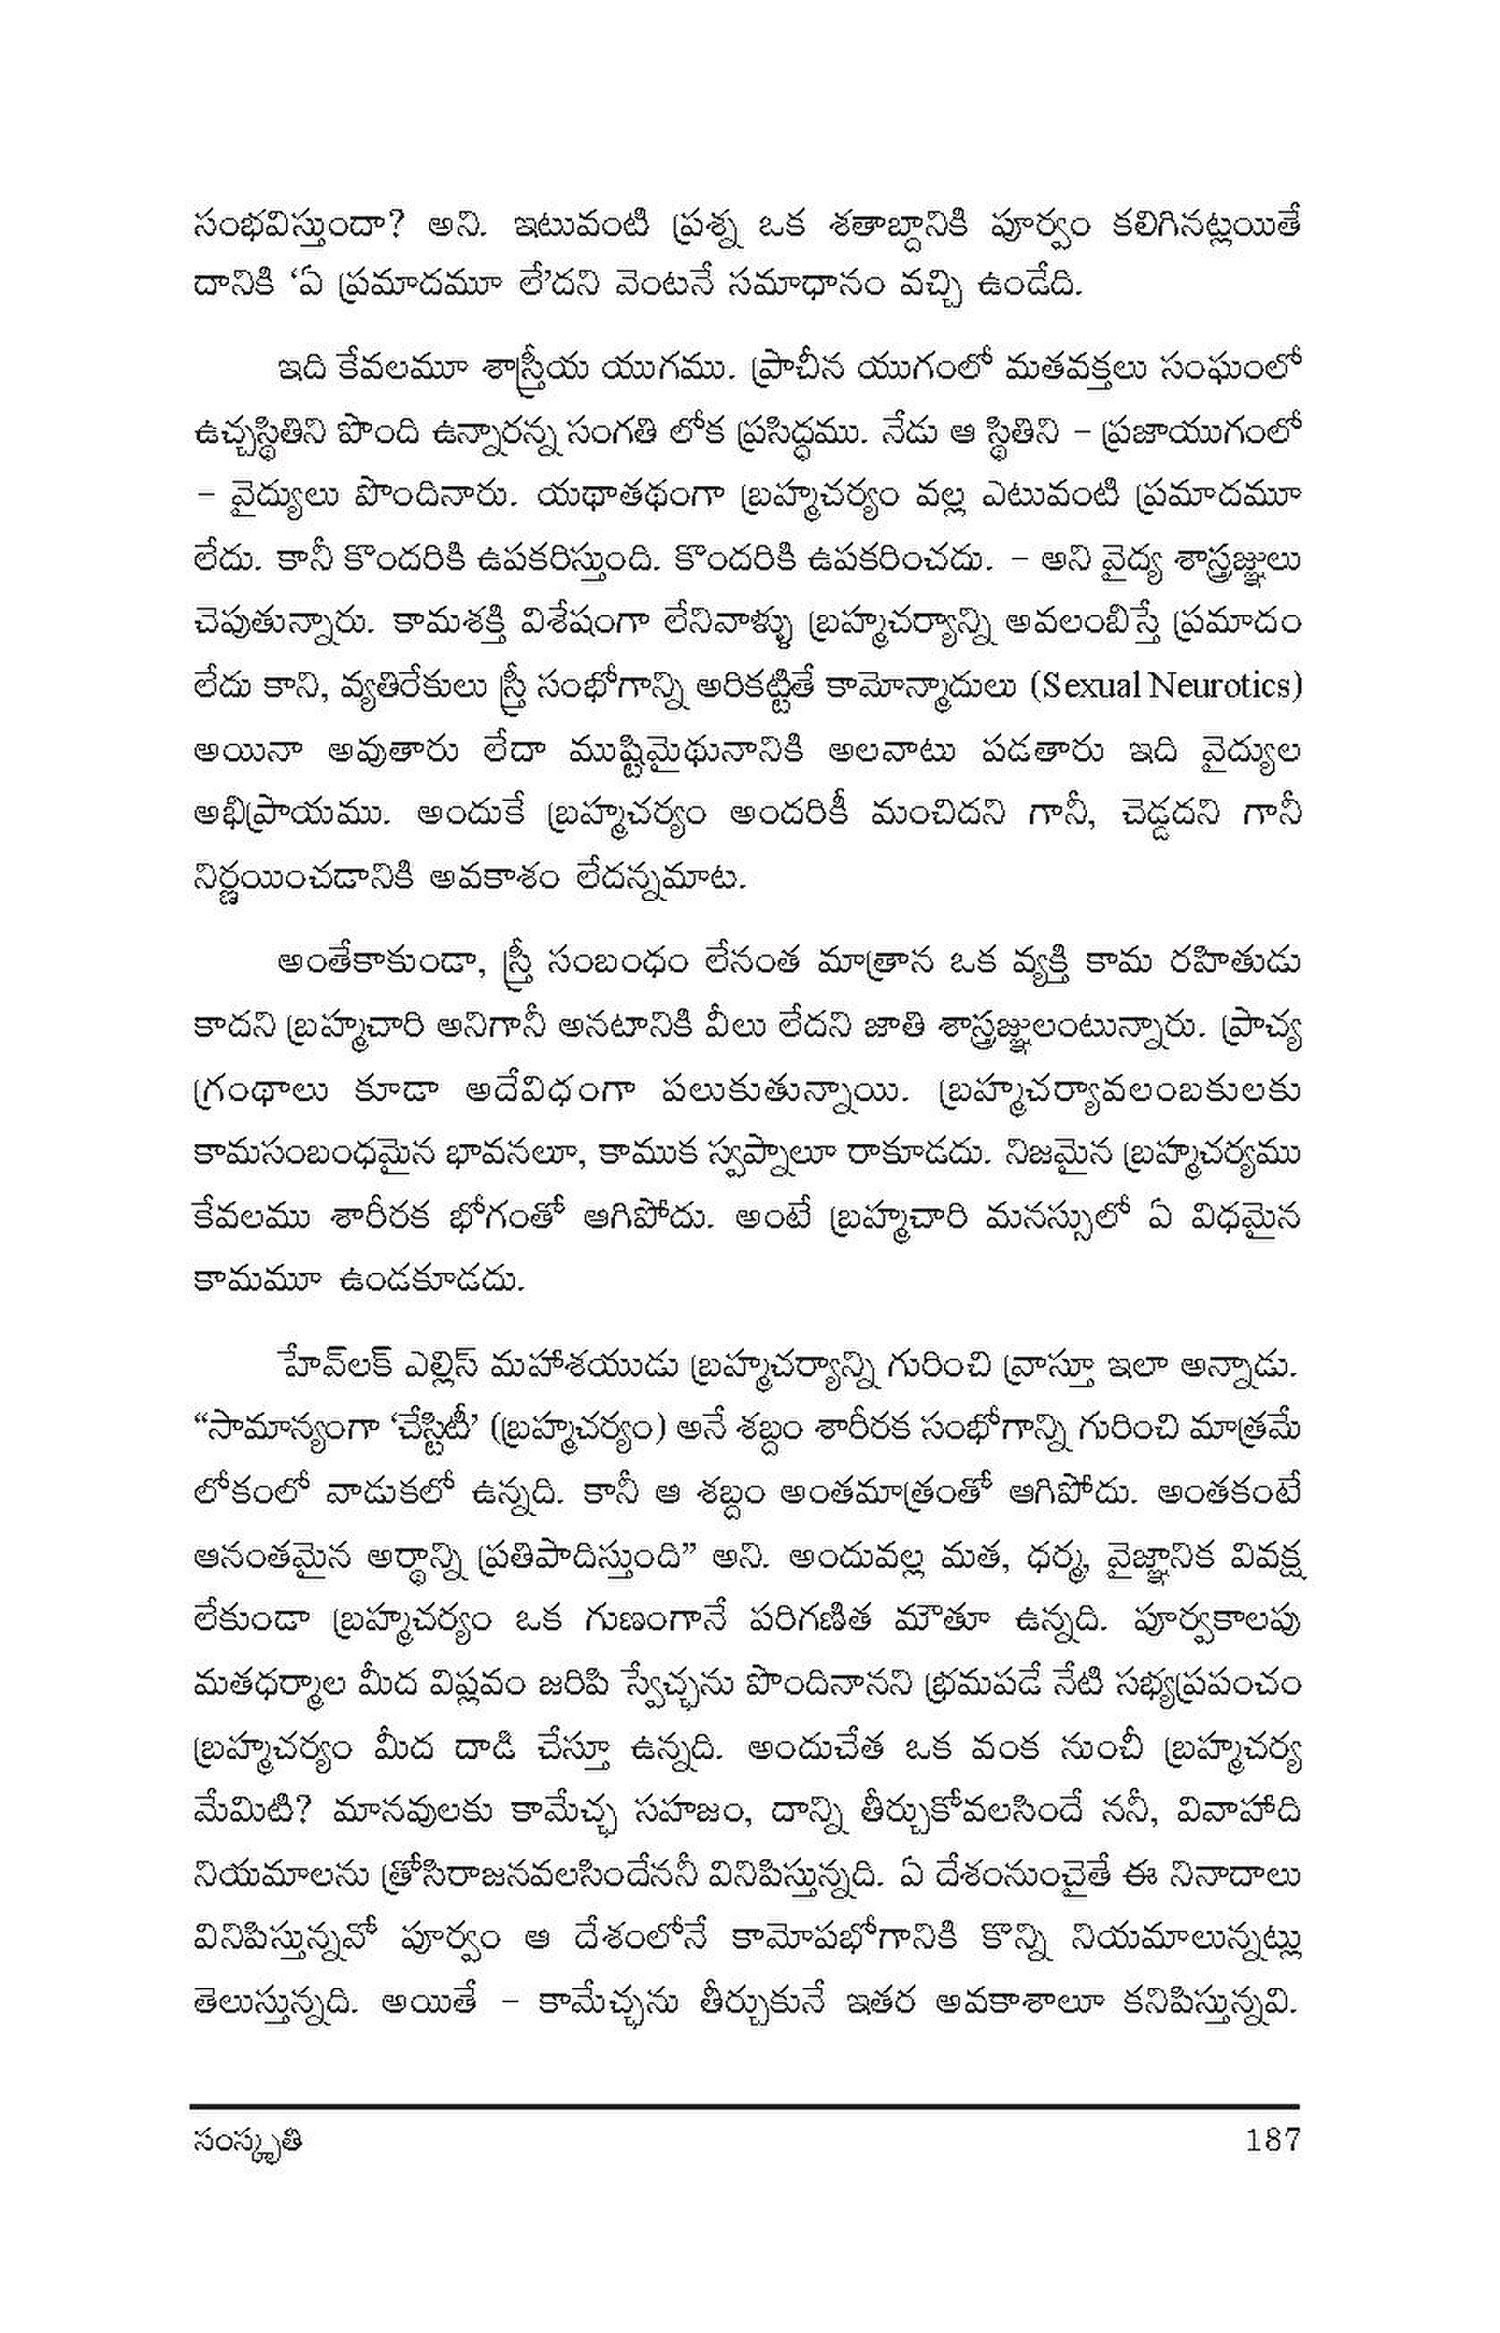సంభవిస్తుందా? అని. ఇటువంటి ప్రశ్న ఒక శతాబ్దానికి పూర్వం కలిగినట్లయితే
దానికి 'ఏ ప్రమాదమూ లేదని వెంటనే సమాధానం వచ్చి ఉండేది.

ఇది కేవలమూ శాస్త్రీయ యుగము. ప్రాచీన యుగంలో మతవక్తలు సంఘంలో
ఉచ్చస్థితిని పొంది ఉన్నారన్న సంగతి లోక ప్రసిద్ధము. నేడు ఆ ఆ స్థితిని - - ప్రజాయుగంలో
- వైద్యులు పొందినారు. యథాతథంగా బ్రహ్మచర్యం వల్ల ఎటువంటి ప్రమాదమూ
లేదు. కానీ కొందరికి ఉపకరిస్తుంది. కొందరికి ఉపకరించదు. - అని వైద్య శాస్త్రజ్ఞులు
చెపుతున్నారు. కామశక్తి విశేషంగా లేనివాళ్ళు బ్రహ్మచర్యాన్ని అవలంబిస్తే ప్రమాదం
లేదు కాని, వ్యతిరేకులు స్త్రీ సంభోగాన్ని అరికట్టితే కామోన్మాదులు (Sexual Neurotics)
అయినా అవుతారు లేదా ముష్టిమైథునానికి అలవాటు పడతారు ఇది వైద్యుల
అభిప్రాయము. అందుకే బ్రహ్మచర్యం అందరికీ మంచిదని గానీ, చెడ్డదని గానీ
నిర్ణయించడానికి అవకాశం లేదన్నమాట.

అంతేకాకుండా, స్త్రీ సంబంధం లేనంత మాత్రాన ఒక వ్యక్తి కామ రహితుడు
కాదని బ్రహ్మచారి అనిగానీ అనటానికి వీలు లేదని జాతి శాస్త్రజ్ఞులంటున్నారు. ప్రాచ్య
గ్రంథాలు కూడా అదేవిధంగా పలుకుతున్నాయి. బ్రహ్మచర్యావలంబకులకు
కామసంబంధమైన భావనలూ, కాముక స్వప్నాలూ రాకూడదు. నిజమైన బ్రహ్మచర్యము
కేవలము శారీరక భోగంతో ఆగిపోదు. అంటే బ్రహ్మచారి మనస్సులో ఏ విధమైన
కామమూ ఉండకూడదు.

హేవ్ లక్ ఎల్లిస్ మహాశయుడు బ్రహ్మచర్యాన్ని గురించి వ్రాస్తూ ఇలా అన్నాడు.
“సామాన్యంగా 'చేస్టిటీ' (బ్రహ్మచర్యం) అనే శబ్దం శారీరక సంభోగాన్ని గురించి మాత్రమే
లోకంలో వాడుకలో ఉన్నది. కానీ ఆ శబ్దం అంతమాత్రంతో ఆగిపోదు. అంతకంటే
ఆనంతమైన అర్థాన్ని ప్రతిపాదిస్తుంది” అని. అందువల్ల మత, ధర్మ, వైజ్ఞానిక వివక్ష
లేకుండా బ్రహ్మచర్యం ఒక గుణంగానే పరిగణిత మౌతూ ఉన్నది. పూర్వకాలపు
మతధర్మాల మీద విప్లవం జరిపి స్వేచ్ఛను పొందినానని భ్రమపడే నేటి సభ్యప్రపంచం
బ్రహ్మచర్యం మీద దాడి చేస్తూ ఉన్నది. అందుచేత ఒక వంక నుంచీ బ్రహ్మచర్య
మేమిటి? మానవులకు కామేచ్ఛ సహజం, దాన్ని తీర్చుకోవలసిందే ననీ, వివాహాది
నియమాలను త్రోసిరాజనవలసిందేననీ వినిపిస్తున్నది. ఏ దేశంనుంచైతే ఈ నినాదాలు
వినిపిస్తున్నవో పూర్వం ఆ దేశంలోనే కామోపభోగానికి కొన్ని నియమాలున్నట్లు
తెలుస్తున్నది. అయితే - కామేచ్ఛను తీర్చుకునే ఇతర అవకాశాలూ కనిపిస్తున్నవి.